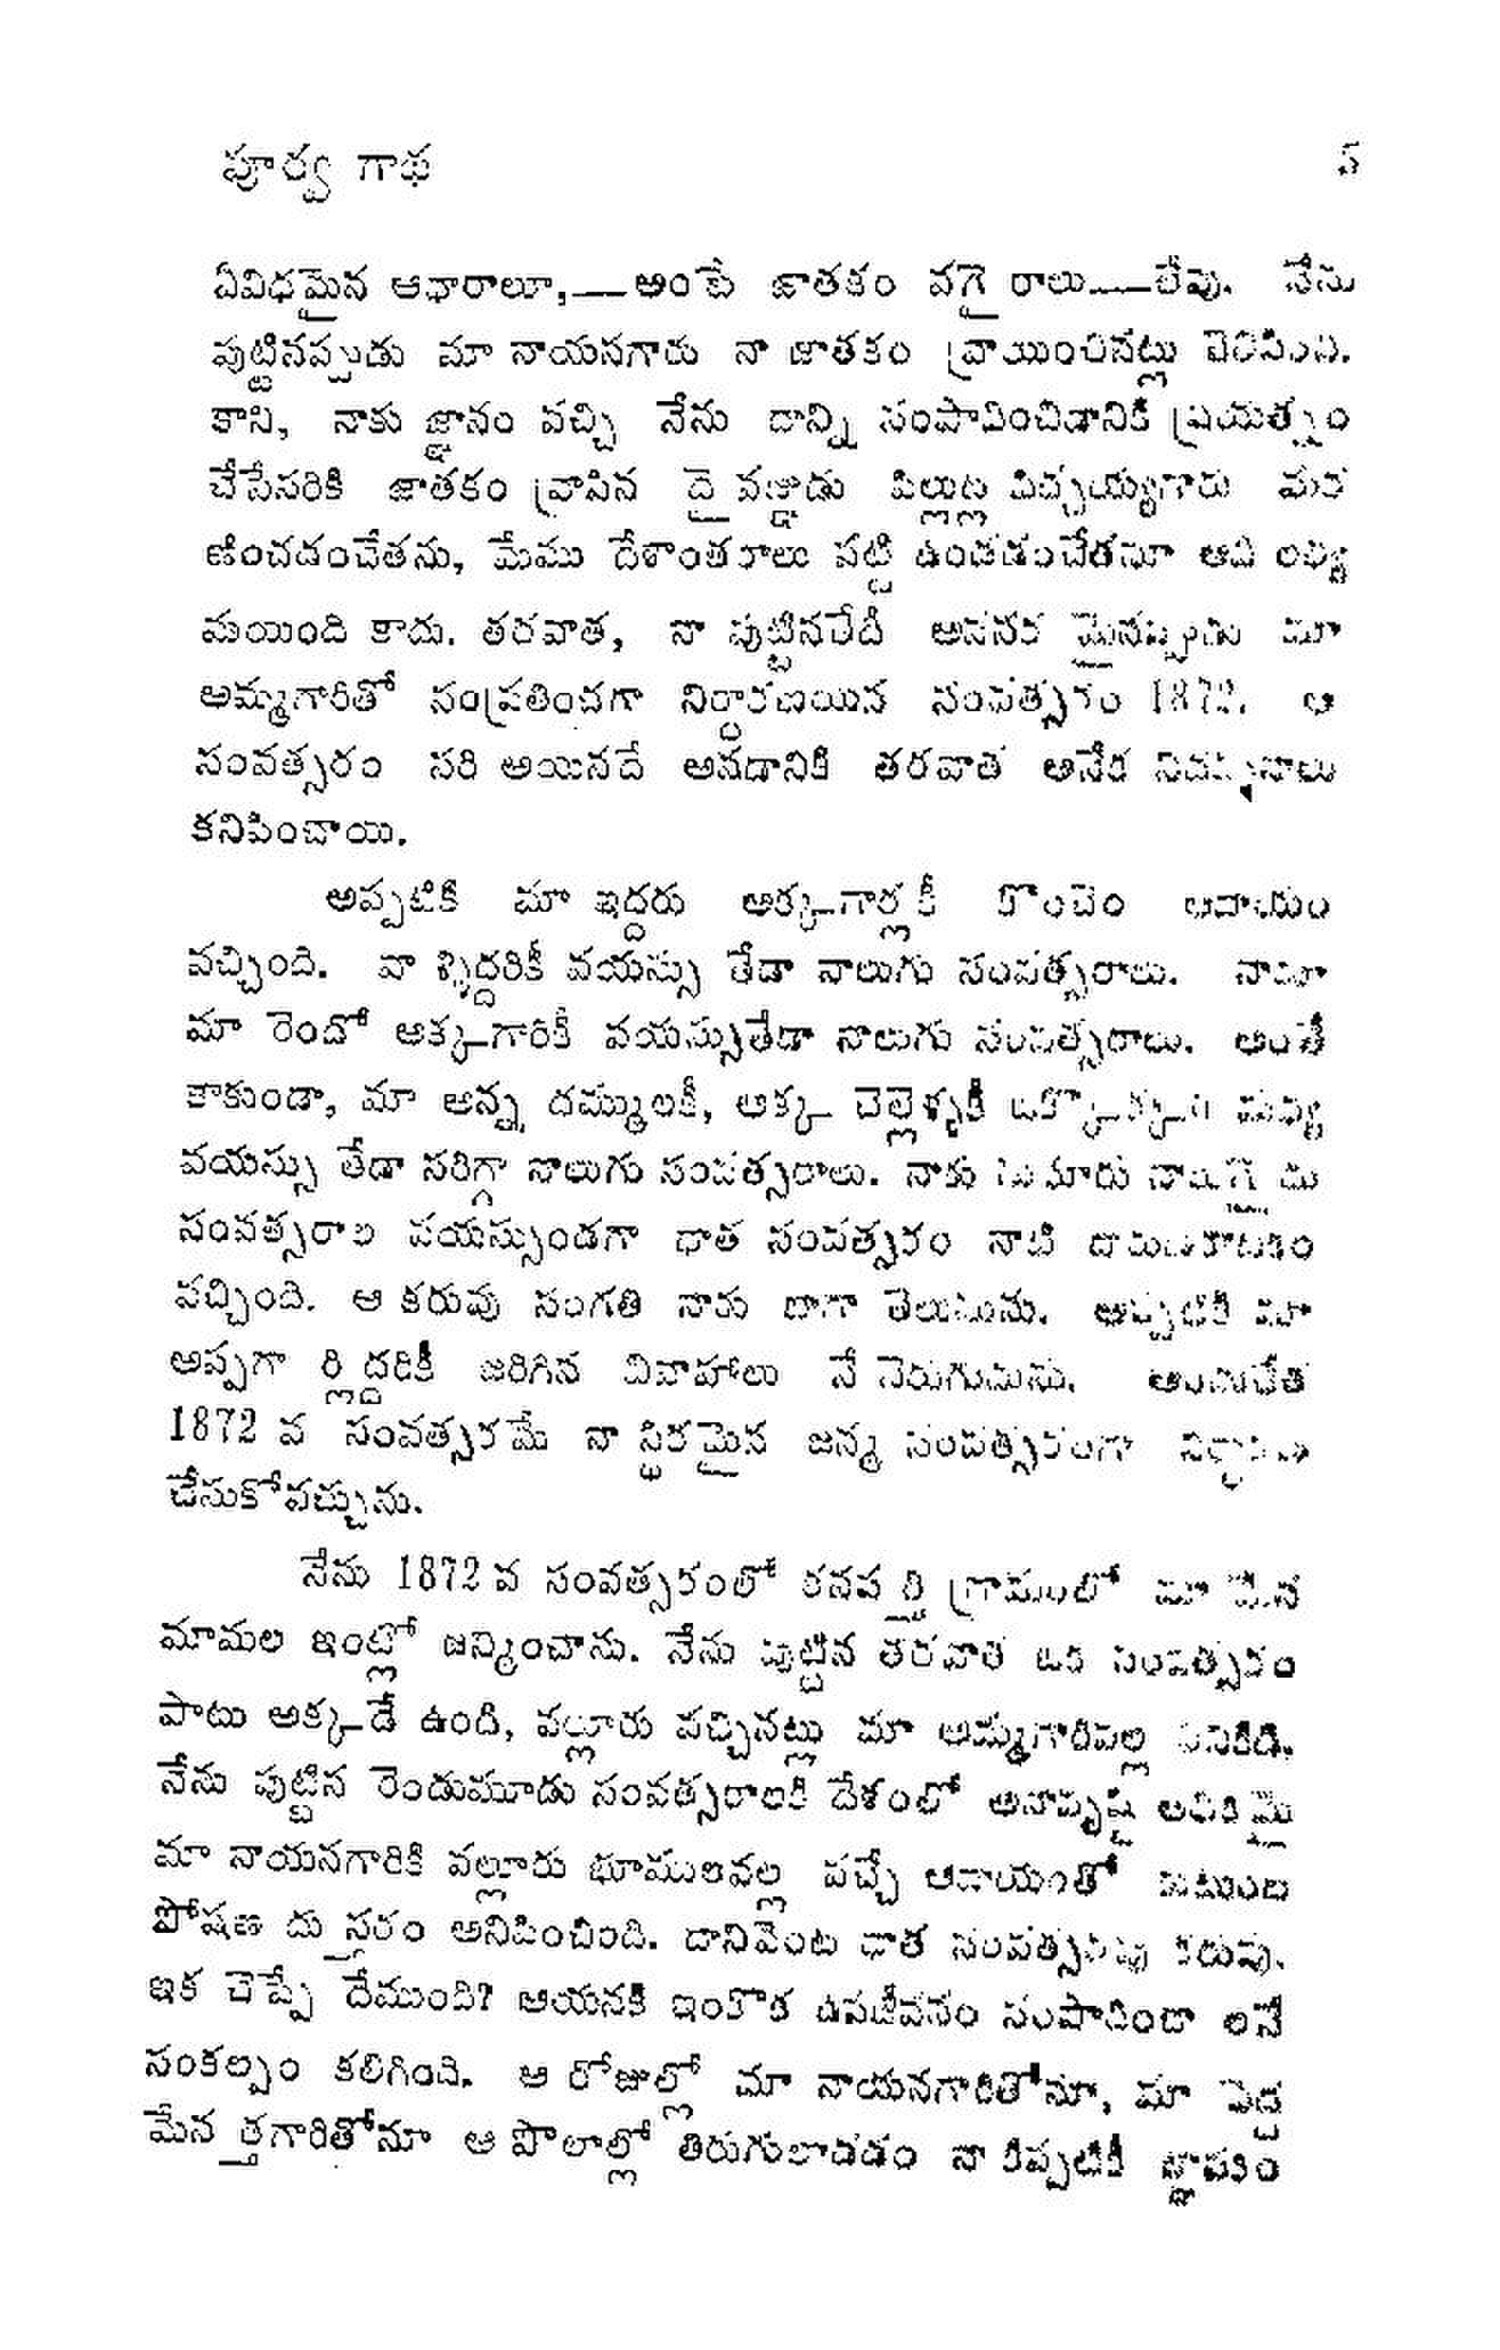ఏవిధమైన ఆధారాలు, - అంటే జాతకం వగైరాలు లేవు. నేను పుట్టినపుడు మా నాయనగారు నా జాతకం వ్రాయించినట్లు తెలిసింది. కానీ, నాకు జ్ఞాపకం వచ్చి నేను దాన్ని సంపాదించడానికి ప్రయత్నం చేసేసరికి జాతకం వ్రాసిన దైవజ్ఞుడు పిల్లుట్ల పిచ్చయ్యగారు మరణించడం చేతను, మేము దేశాంతరాలు పట్టి ఉండడంచేతనూ అవి లభ్యమయింది కాదు. తరవాత, నా పుట్టిన తేదీ అవసరమైనప్పుడు మా అమ్మగారితో సంప్రదించగా నిర్ధారణయిన సంవత్సరం 1872. ఆ సంవత్సరం సరి అయినదే అనడానికి తరవాత అనేక నిదర్శనాలు కనిపించాయి.

అప్పటికి మా ఇద్దరు అక్కగార్లకి కొంచెం ఆదాయం వచ్చింది. వాళ్ళిద్దరికీ వయస్సు తేడా నాలుగు సంవత్సరాలు. నాకూ మా రెండో అక్కగారికీ వయస్సు తేడా నాలుగు సంవత్సరాలు. అంతే కాకుండా, మా అన్నదమ్ములకీ, అక్క చెల్లెళ్ళకీ ఒక్కొక్కరికి మధ్య వయస్సు తేడా సరిగ్గా నాలుగు సంవత్సరాలు. నాకు సుమారు నాలుగైదు సంవత్సరాల వయస్సుండగా ధాత సంవత్సరం నాటి దారుణకాటకం వచ్చింది. ఆ కరువు సంగతి నాకు బాగా తెలుసును. అప్పటికి మా అక్కగార్లిద్దరికి జరిగిన వివాహాలు నేనెరుగుదును. అందుచేత 1872వ సంవత్సరమే నా స్థిరమైన జన్మ సంవత్సరంగా నిర్ధారణ చేసుకోవచ్చును.

నేను 1872వ సంవత్సరంలో కనపర్తి గ్రామంలో మా మేనమామల ఇంట్లో జన్మించాను. నేను పుట్టిన తరవాత ఒక సంవత్సరం పాటు అక్కడే ఉండి, వల్లూరు వచ్చినట్లు మా అమ్మగారి వల్ల వినికిడి. నేను పుట్టిన రెండు మూడు సంవత్సరాలకి దేశంలో అనావృష్టి అధికమై మా నాయనగారికి వల్లూరు భూముల వల్ల వచ్చే ఆదాయంలో కుటుంబపోషణ దుస్తరం అనిపించింది. దానివెంట ధాత సంవత్సరపు కరువు. ఇక చెప్పేదేముంది? ఆయనకి ఇంకొక ఉపజీవనం సంపాదించాలనే సంకల్పం కలిగింది. ఆ రోజుల్లో మా నాయనగారితోనూ, మా పెద్ద మేనత్తగారితోనూ ఆ పొలాల్లో తిరుగులాడడం నాకిప్పటికీ జ్ఞాపకం